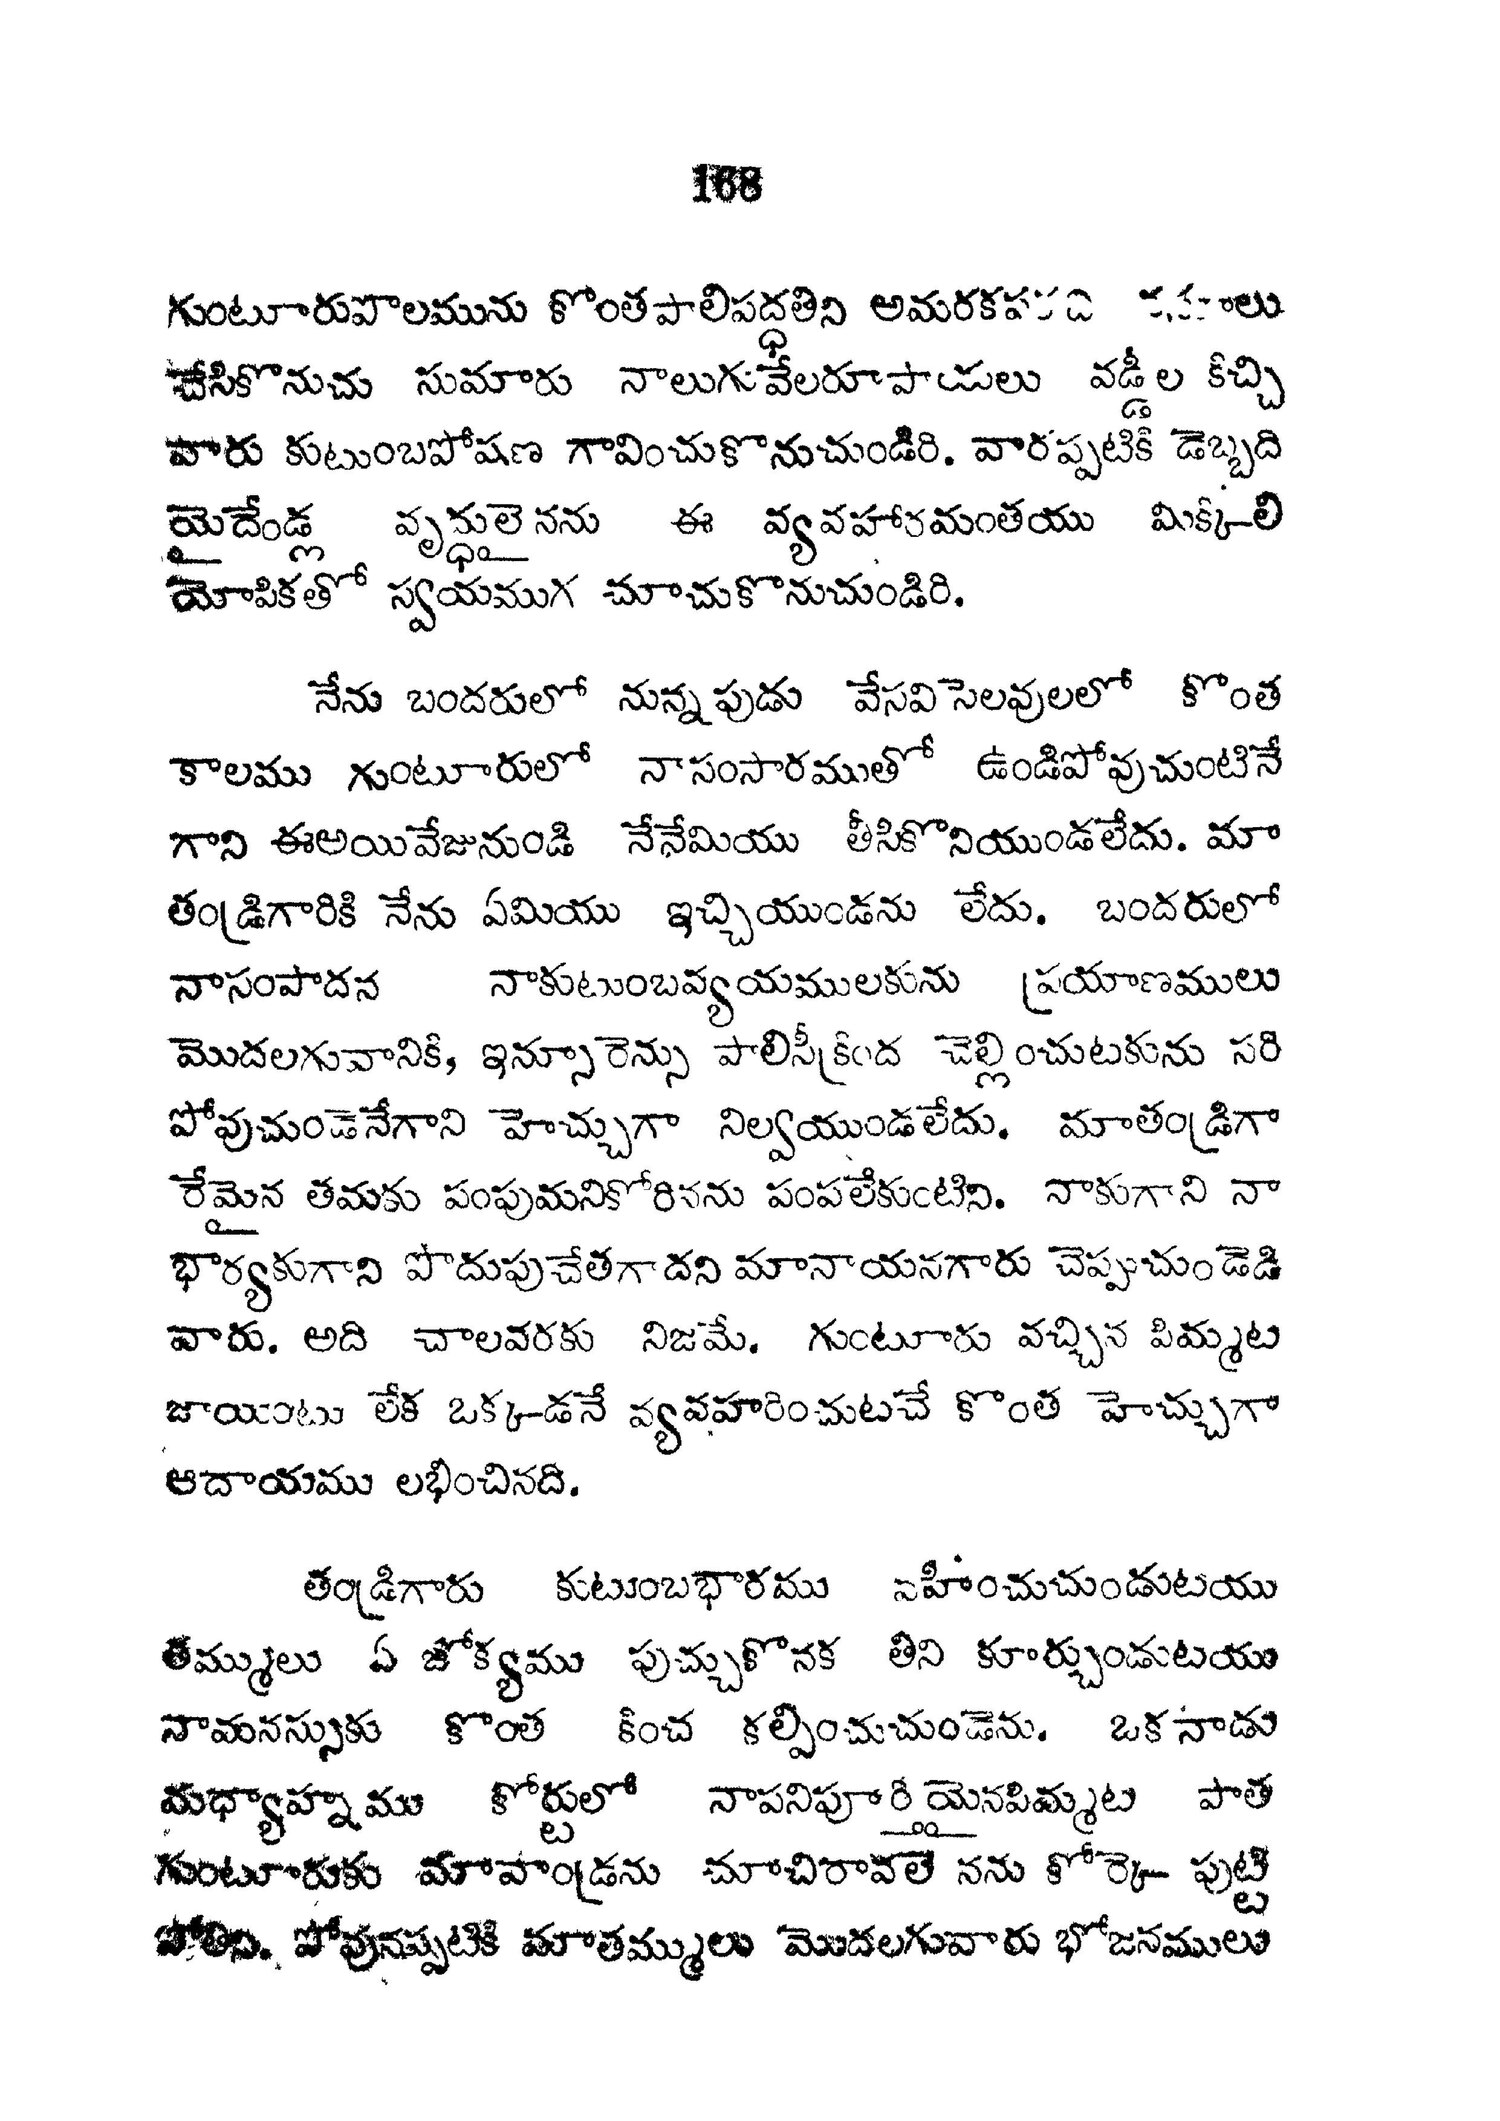గుంటూరుపొలమును కొంతపాలిపద్ధతిని అమరకపరచి వసూలు చేసికొనుచు సుమారు నాలుగువేలరూపాయలు వడ్డీల కిచ్చి వారు కుటుంబపోషణ గావించుకొనుచుండిరి. వారప్పటికి డెబ్బది యైదేండ్ల వృద్ధులైనను ఈ వ్యవహారమంతయు మిక్కిలి యోపికతో స్వయముగ చూచుకొనుచుండిరి.

నేను బందరులో నున్నపుడు వేసవిసెలవులలో కొంతకాలము గుంటూరులో నాసంసారముతో ఉండిపోవుచుంటినే గాని ఈఅయివేజునుండి నేనేమియు తీసికొనియుండలేదు. మా తండ్రిగారికి నేను ఏమియు ఇచ్చియుండను లేదు. బందరులో నాసంపాదన నాకుటుంబవ్యయములకును ప్రయాణములు మొదలగువానికిని, ఇన్సూరెన్సు పాలిసీక్రింద చెల్లించుటకును సరిపోవుచుండెనేగాని హెచ్చుగా నిల్వయుండలేదు. మాతండ్రిగారేమైన తమకు పంపుమనికోరినను పంపలేకుంటిని. నాకుగాని నా భార్యకుగాని పొదుపుచేతగాదని మానాయనగారు చెప్పుచుండెడివారు. అది చాలవరకు నిజమే. గుంటూరు వచ్చిన పిమ్మట జాయింటు లేక ఒక్కడనే వ్యవహరించుటచే కొంత హెచ్చుగా ఆదాయము లభించినది.

తండ్రిగారు కుటుంబభారము వహించుచుండుటయు తమ్ములు ఏ జోక్యము పుచ్చుకొనక తిని కూర్చుండుటయు నామనస్సుకు కొంత కించ కల్పించుచుండెను. ఒకనాడు మధ్యాహ్నము కోర్టులో నాపనిపూర్తియైనపిమ్మట పాతగుంటూరుకు మావాండ్రను చూచిరావలె నను కోర్కె పుట్టి పోతిని. పోవునప్పటికి మాతమ్ములు మొదలగువారు భోజనములు